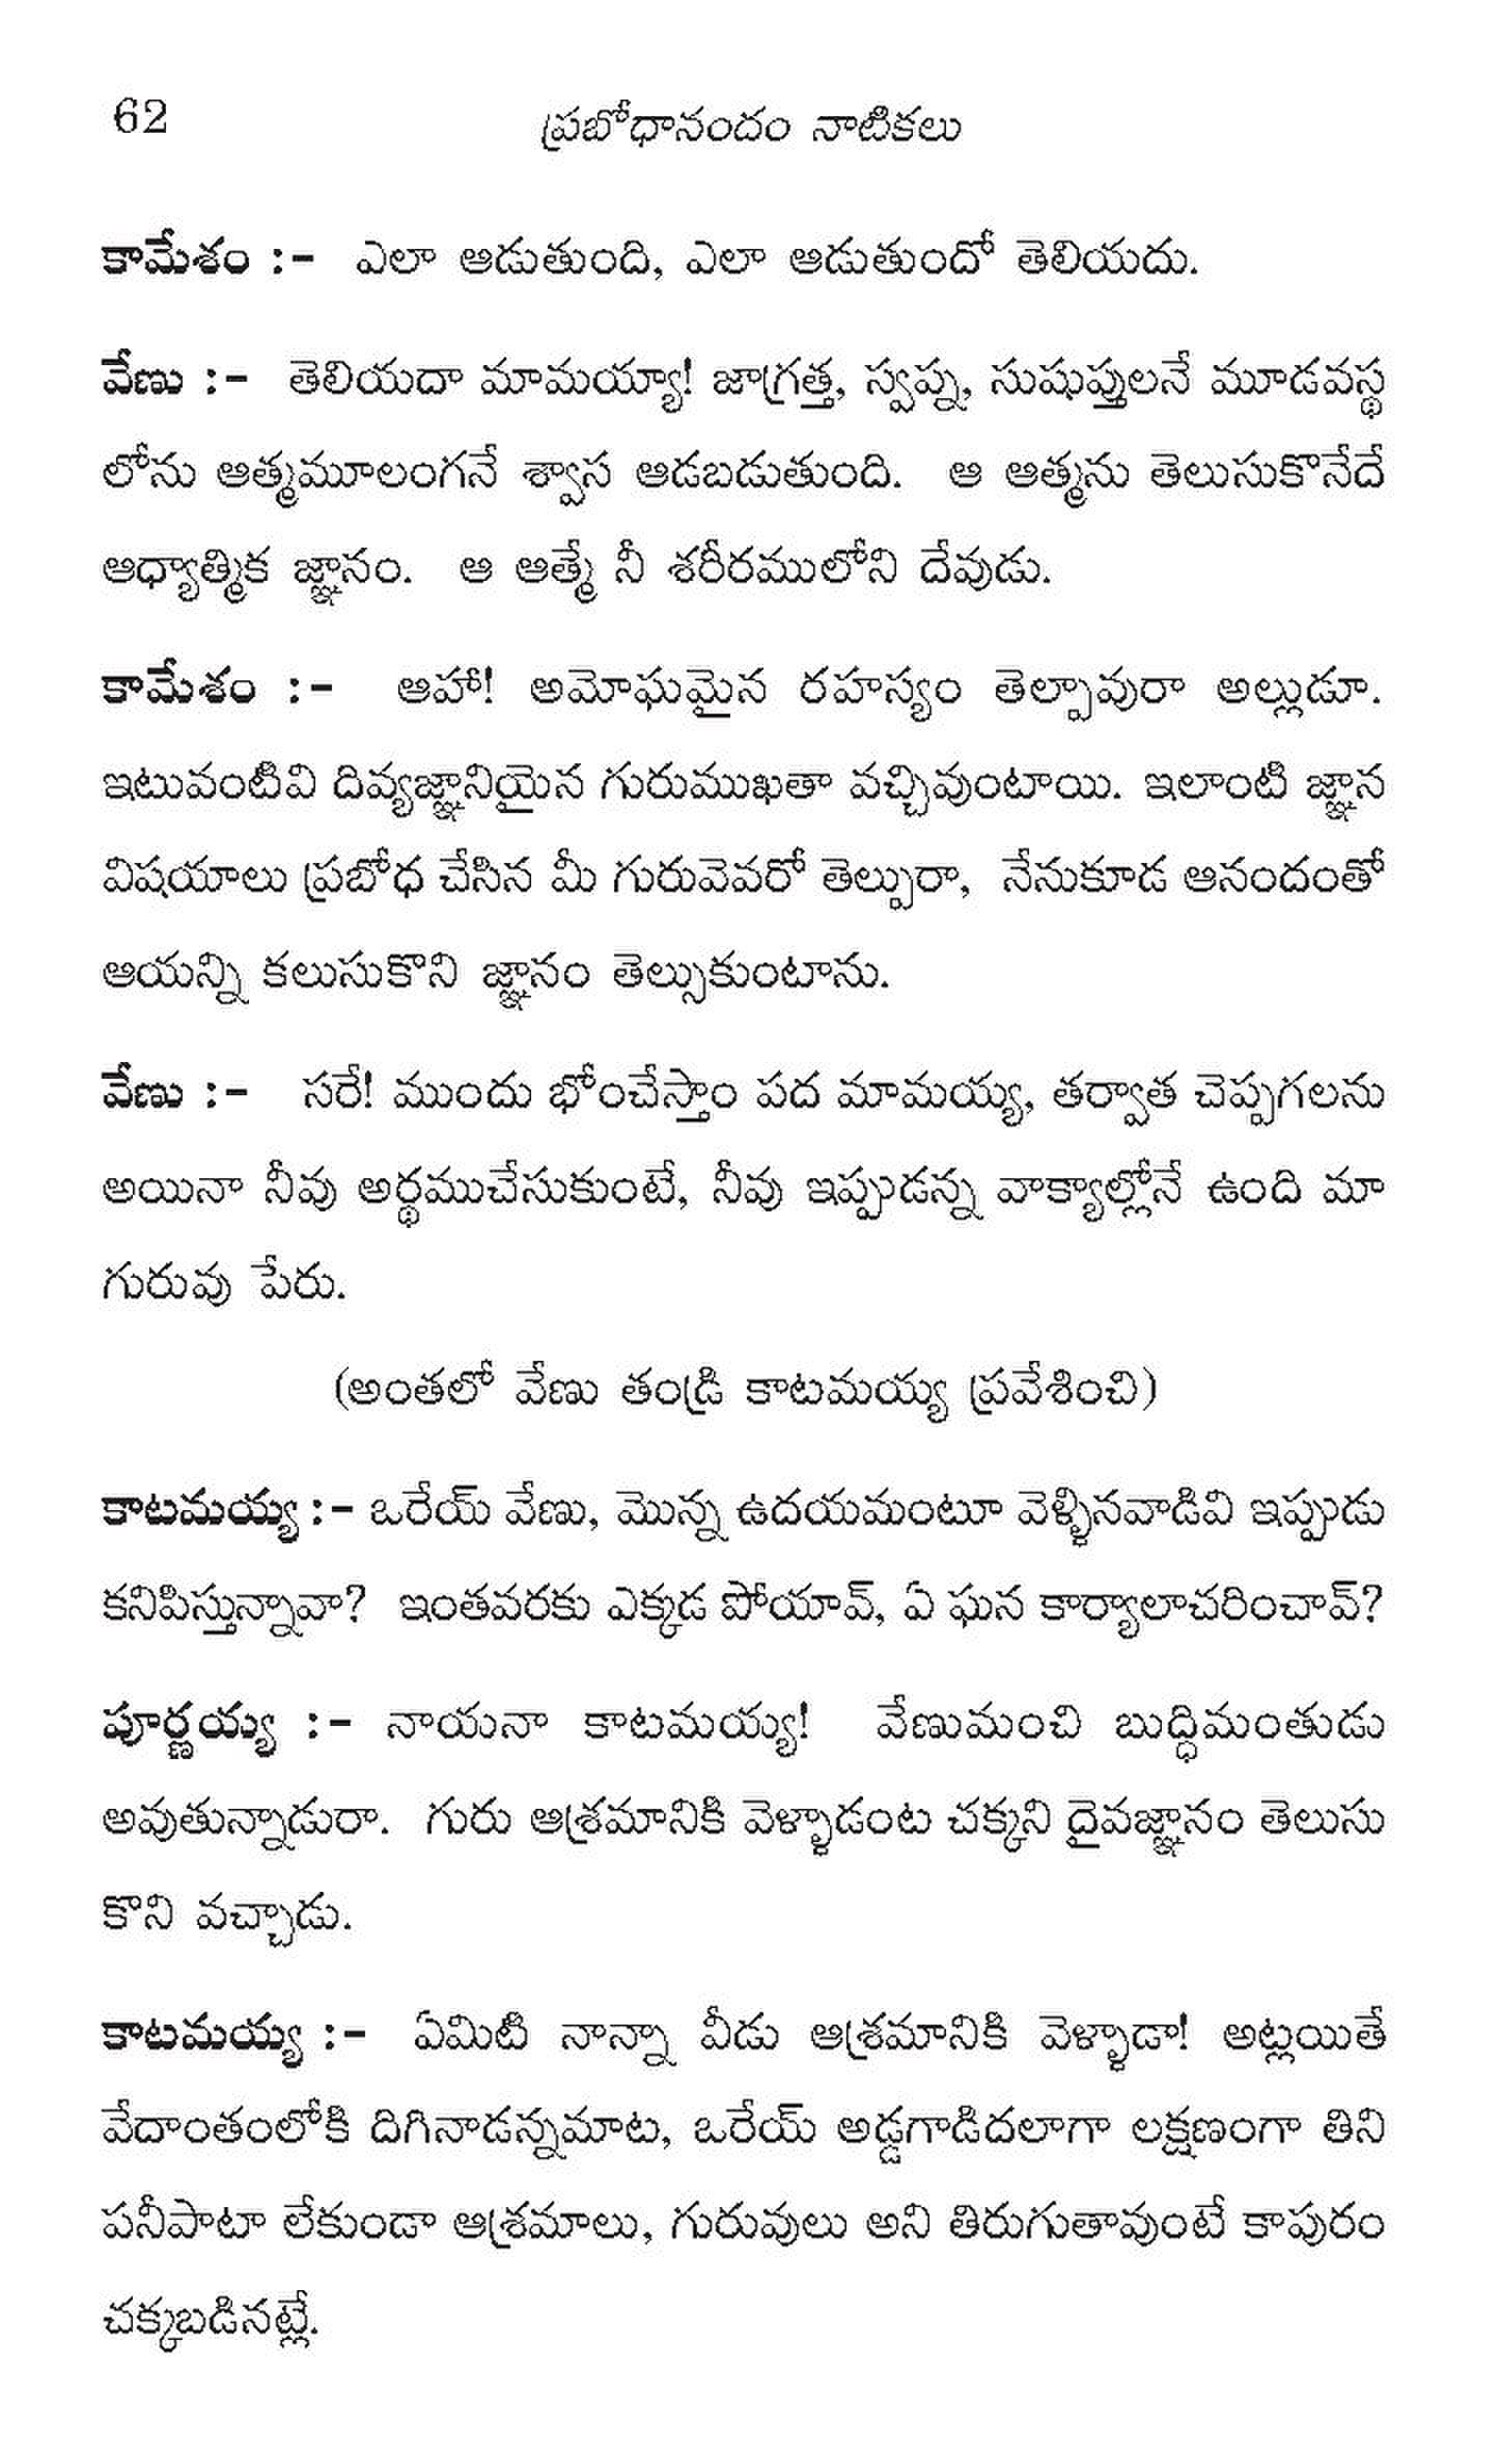కామేశం :- ఎలా ఆడుతుంది, ఎలా ఆడుతుందో తెలియదు.

వేణు :-	 తెలియదా మామయ్యా! జాగ్రత్త, స్వప్న, సుషుప్తులనే మూడవస్థ లోను ఆత్మమూలంగనే శ్వాస ఆడబడుతుంది. ఆ ఆత్మను తెలుసుకొనేదే ఆధ్యాత్మిక జ్ఞానం. ఆ ఆత్మే నీ శరీరములోని దేవుడు.

కామేశం :- ఆహా! అమోఘమైన రహస్యం తెల్పావురా అల్లుడూ. ఇటువంటివి దివ్యజ్ఞానియైన గురుముఖతా వచ్చివుంటాయి. ఇలాంటి జ్ఞాన విషయాలు ప్రబోధ చేసిన మీ గురువెవరో తెల్పురా, నేనుకూడ ఆనందంతో ఆయన్ని కలుసుకొని జ్ఞానం తెల్సుకుంటాను.

వేణు :- సరే! ముందు భోంచేస్తాం పద మామయ్య, తర్వాత చెప్పగలను అయినా నీవు అర్థముచేసుకుంటే, నీవు ఇప్పుడన్న వాక్యాల్లోనే ఉంది మా గురువు పేరు.

(అంతలో వేణు తండ్రి కాటమయ్య ప్రవేశించి)

కాటమయ్య :- ఒరేయ్‌ వేణు, మొన్న ఉదయమంటూ వెళ్ళినవాడివి ఇప్పుడు కనిపిస్తున్నావా? ఇంతవరకు ఎక్కడ పోయావ్‌, ఏ ఘన కార్యాలాచరించావ్‌?

పూర్ణయ్య :- నాయనా కాటమయ్య! వేణుమంచి బుద్ధిమంతుడు అవుతున్నాడురా. గురు ఆశ్రమానికి వెళ్ళాడంట చక్కని దైవజ్ఞానం తెలుసు కొని వచ్చాడు.

కాటమయ్య :-	ఏమిటి నాన్నా వీడు ఆశ్రమానికి వెళ్ళాడా! అట్లయితే వేదాంతంలోకి దిగినాడన్నమాట, ఒరేయ్‌ అడ్డగాడిదలాగా లక్షణంగా తిని పనీపాటా లేకుండా ఆశ్రమాలు, గురువులు అని తిరుగుతావుంటే కాపురం చక్కబడినట్లే.